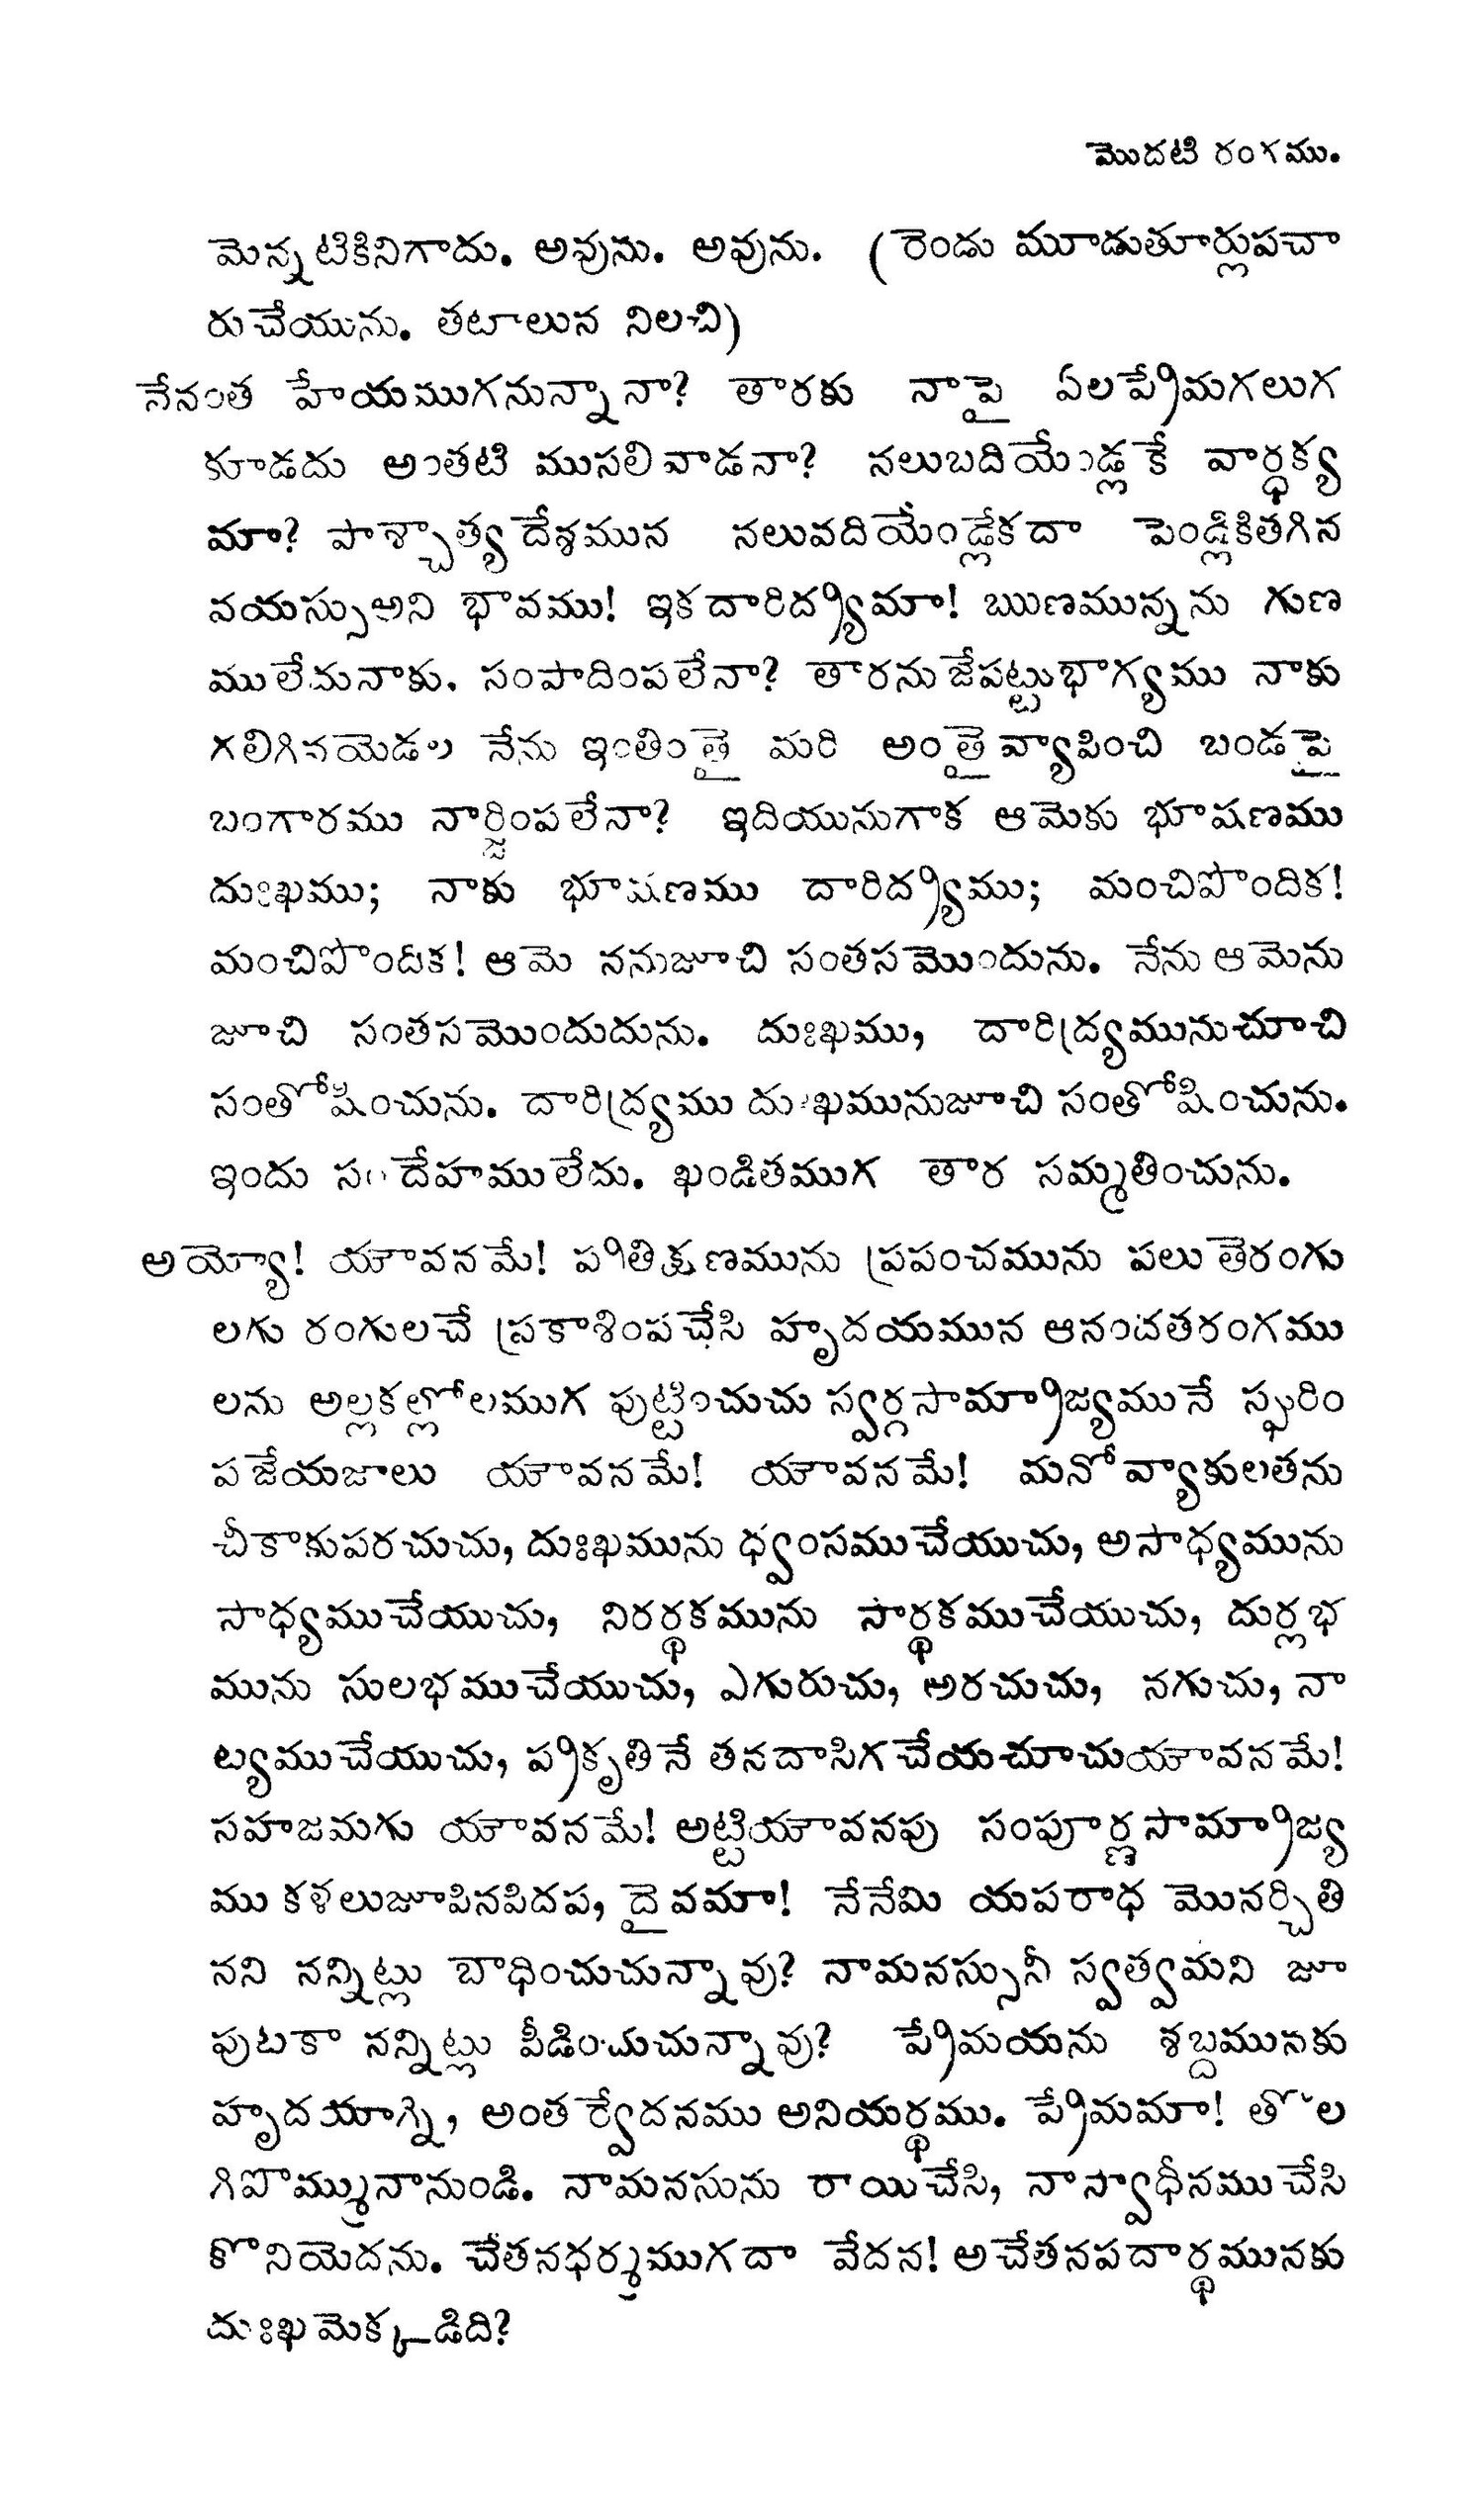మెన్నటికినిగాదు. అవును. అవును. (రెండు మూడుతూర్లుపచా
రుచేయును, తటాలున నిలచి)

నేనంత హేయముగనున్నానా? తారకు నాపై ఏల ప్రేమగలుగ
కూడదు అంతటి ముసలి వాడనా? నలుబది యేండ్ల కే వార్ధక్య
మా! పాశ్చాత్య దేశమున నలువది యేండ్లేక దా పెండ్లికి తగిన
నయస్సు అని భావము! ఇక దారిద్యమా! ఋణమున్నను గుణ
ము లేమనాకు, సంపాదింప లేనా? తారను జేపట్టు భాగ్యము నాకు
గలిగిన యెడ నేను ఇంతింతై మరి అంతై వ్యాపించి బండ్ల పై
బంగారము నార్జింప లేనా? ఇదియునుగాక ఆమెకు భూషణము
దుఃఖము; నాకు భూషణము దారిద్యము; మంచి పొందిక !
మంచిపొంద్దిక! ఆమె ననుజూచి సంతసమొందును. నేను ఆమెను
జూచి సంతస మొందుదును. దుఃఖము, దారిద్ర్యమును చూచి
సంతోషించును. దారిద్ర్యము దుఃఖమునుజూచి సంతోషించును.
ఇందు సందేహము లేదు. ఖండితముగ తార సమ్మతించును.

అయ్యో! యౌవన మే! ప్రతిక్షణమును ప్రపంచమును పలు తెరంగు
లగు రంగులచే ప్రకాశింప చేసి హృదయమున ఆనందతరంగము
లను అల్లకల్లోలముగ పుట్టించుచు స్వర్గ సామ్రాజ్యమునే స్ఫురిం
పజేయజాలు యౌవనమే! యౌవనమే! మనోవ్యాకులతను
చీకాకు పరచుచు, దుఃఖమును ధ్వంసము చేయుచు, అసాధ్యమును
సాధ్యము చేయుచు, నిరర్థకమును సార్థకము చేయుచు, దుర్లభ
మును సులభము చేయుచు, ఎగురుచు, అరచుచు, నగుచు, నా
ట్యము చేయుచు, ప్రకృతినే తన దాసిగ చేయచూచు యౌవనమే!
సహజమగు యౌవనమే! అట్టియౌవనపు సంపూర్ణ సామాజ్య
ము కళలుజూపినపిదప, దైవమా! నేనేమి యపరాధ మొనర్చితి
నని నన్నిట్లు బాధించుచున్నావు? నామనస్సునీ స్వత్వమని జూ
పుటకా నన్నిట్లు పీడించు చున్నావు? 'ప్రేమయను శబ్దమునకు
హృద యాగ్నె , అంత ర్వేదనము అనియర్ధము. ప్రేమమా! తొల
గిపొమ్ము నానుండి. నామనసును రాయి చేసి, నా స్వాధీనము చేసి
కొనియెదను. చేతన ధర్మముగదా వేదన! అచేతన పదార్థమునకి
దుఃఖ మెక్కడిది?